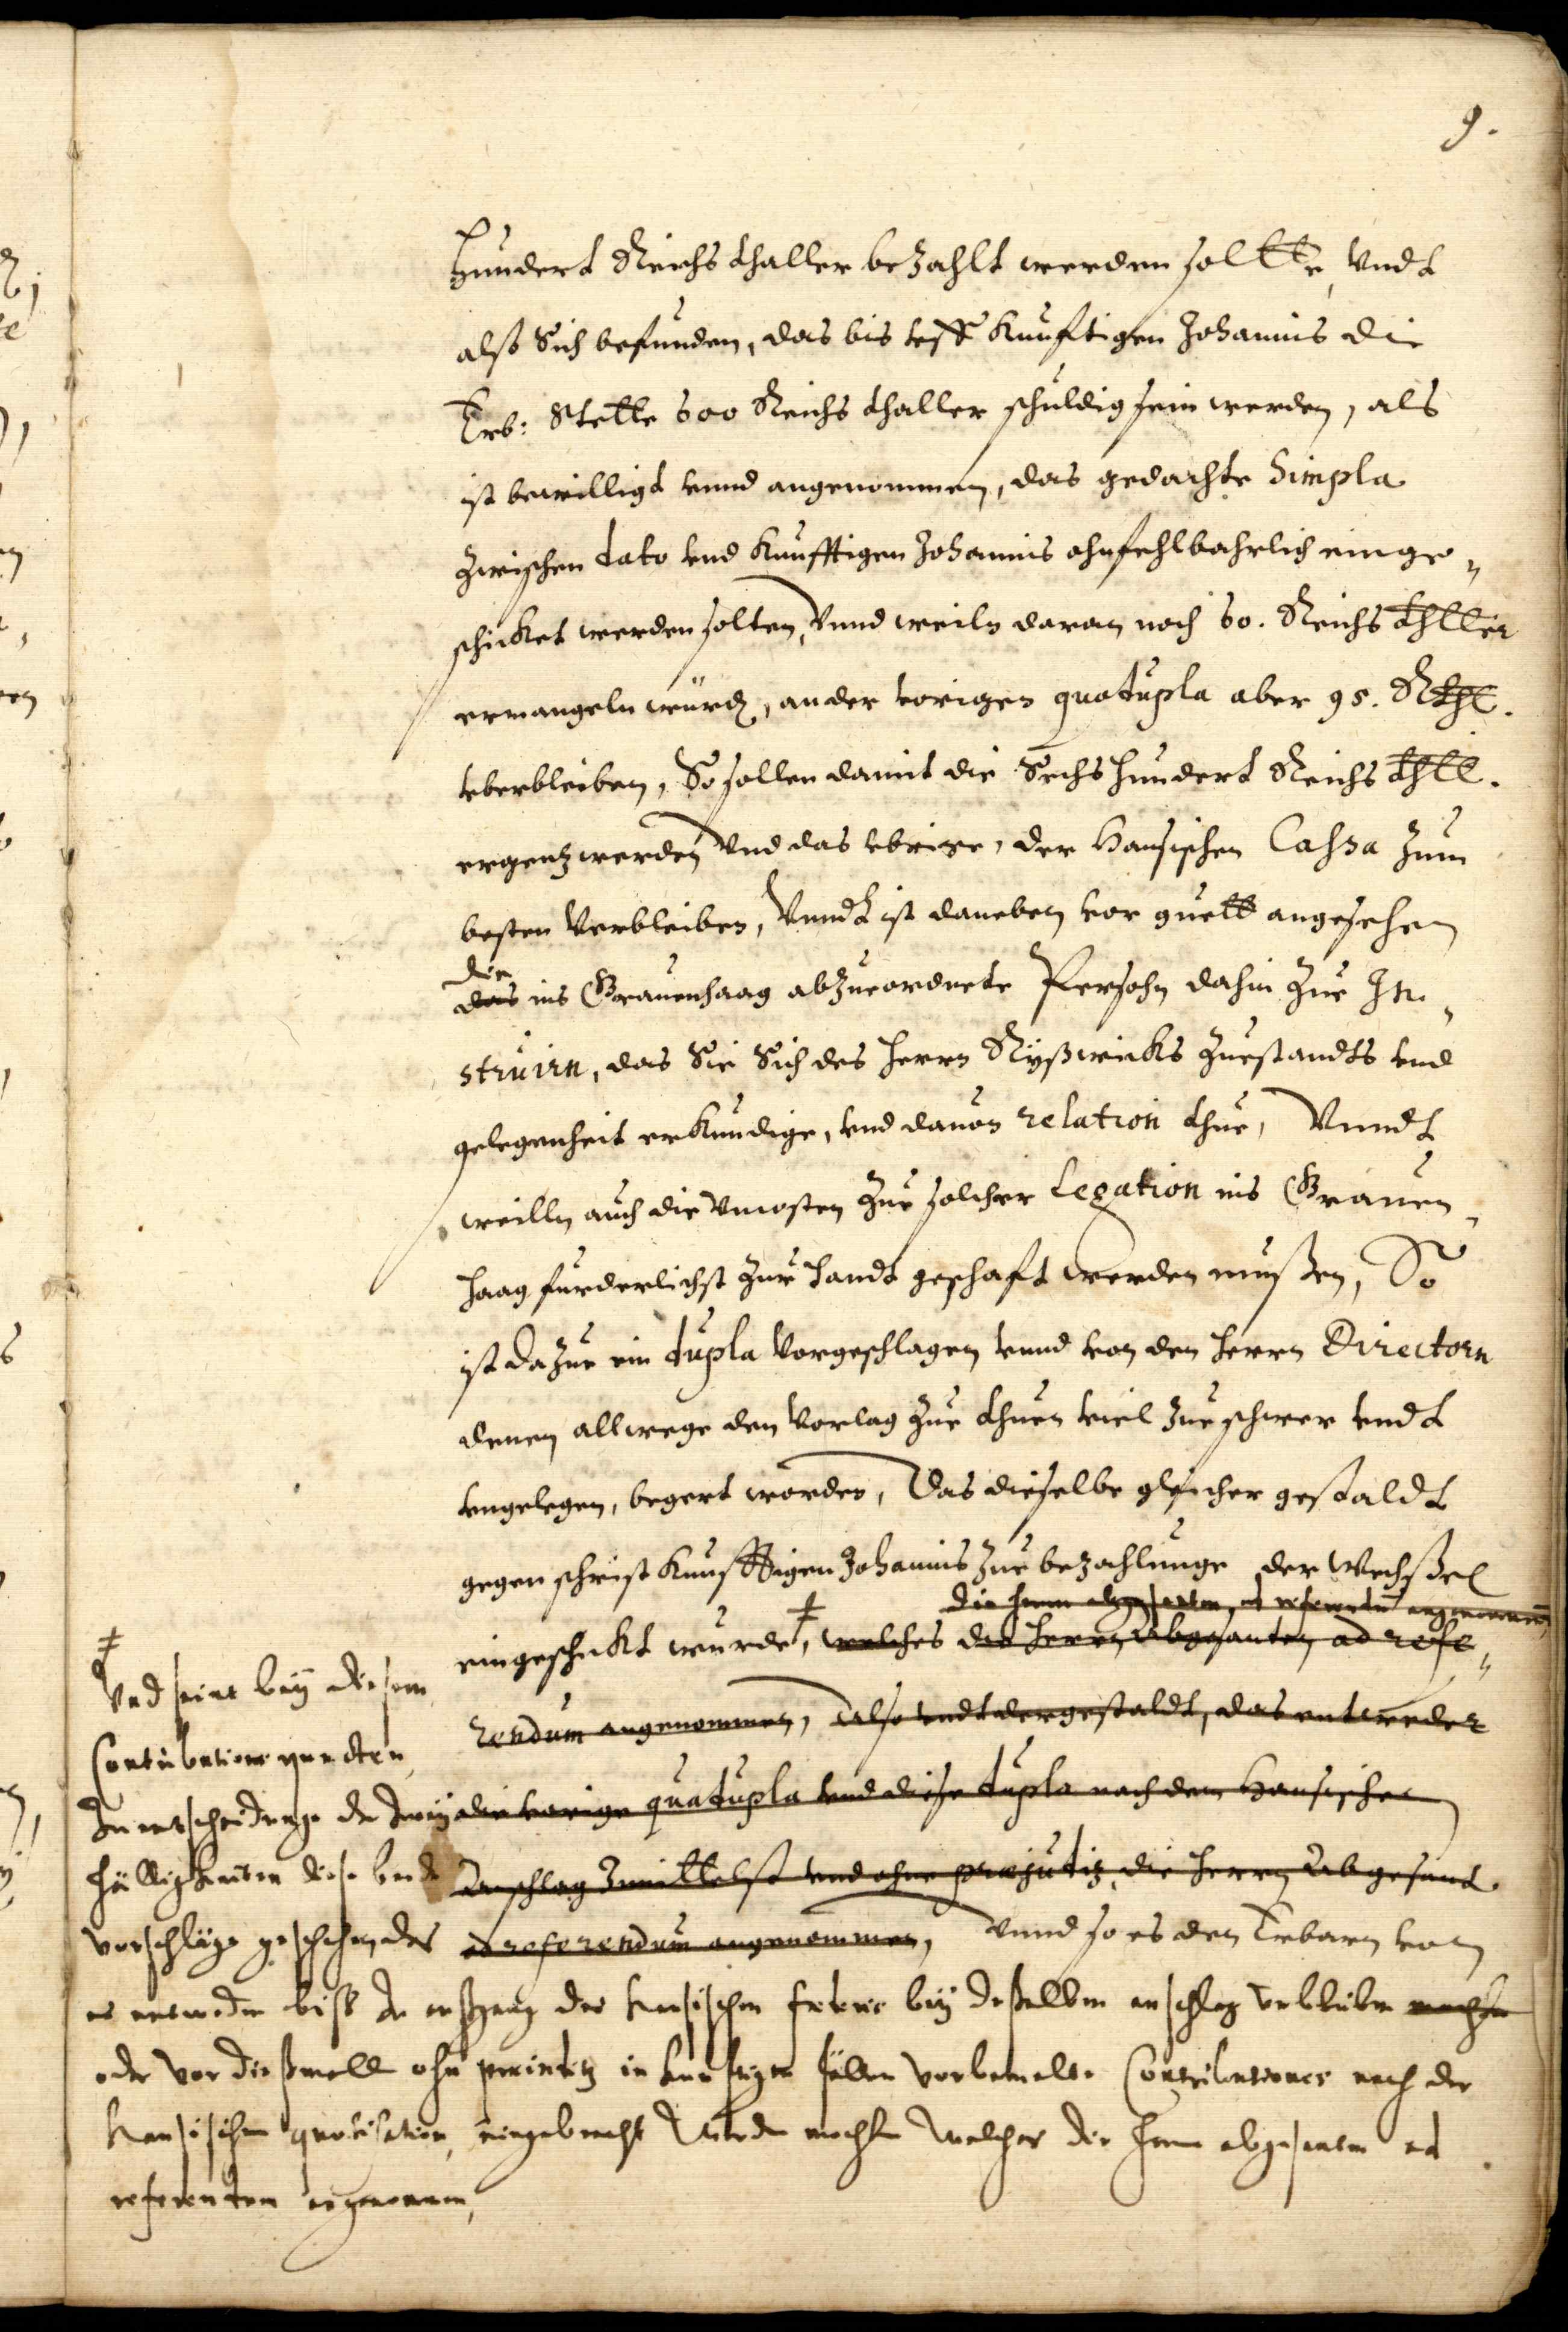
9
Hundert Reichs thaller bezahlt werden soltte, vndt
also sich befunden, das bis vff kunftigen Iohannis die
Erb: Stette 600 Reichs thaller schuldig sein werden, als
ist bewilligt vnnd angenommen, das gedachte Simpla
zwischen dato vnd kunfftigen Johannis ahnfehlbahrlich einge¬
schicket werden solten, vnnd weiln daran noch 60 Reichsthller
ermangeln würden, ander vorigen quodupla aber 95 Rthl.
uberbleiben, So sollen damit die Sechs hundert Reichsthll.
ergentz werden vnd das vbrige, der Hansischen Cassa zum
besten Verbleiben, Vnndt ist daneben vor guett angesehen
die
das ins Grauenhaag abzueordnete Persohn dahin zue In¬
struirn, das Sie Sich des herrn Rijßwicks zuestandts vnd
gelegenheit erkundige, vnd dauon relation thue, Vnndt
weilln auch die vncosten zue solcher Legation ins Grauen¬
haag furderlichst zur handt geschaft werden mußen, So
ist da zue ein dupla Vorgeschlagen vnnd von den herrn Directorn
denen allwege den Vorlag zue thuen viel zue schwer vndt
vngelegen, begert worden, Das dieselbe gleicher gestaldt
gegen schrift kunfftigen Johannis zue bezahlunge der wechßel
die herrn abgesanten ad referendum angenommen
eingeschickt wurde #,, welches den herrn abgesanten ad refe¬
rendum angenommen, Also vndt dergestaldt, das entweder
den vorige quadupla vnd diese dupla nach dem Hansischen
Anschlag Immittelst vnd ohne praejuditz, die herrn Abgesanten
ad referendum angenommen, Vnnd so es den Erbaren von
#
Vnd seine beij diesem
Contribution puncten
Zu entscheidunge der Zweij
fälligkeiten diese beide
vorschläge geschehen der
es entweder biß zu erstgang der hensischen seidiniic beij deßelben Anschlag verblieben macht
oder vor dießmall ohn praeiuditz in kunftigen fällen vorbemelte Contributiones nach der
Hansischen quotisation, eingebracht werden mochten welcher die Herrn abgesanten ad
referendum angenommen
